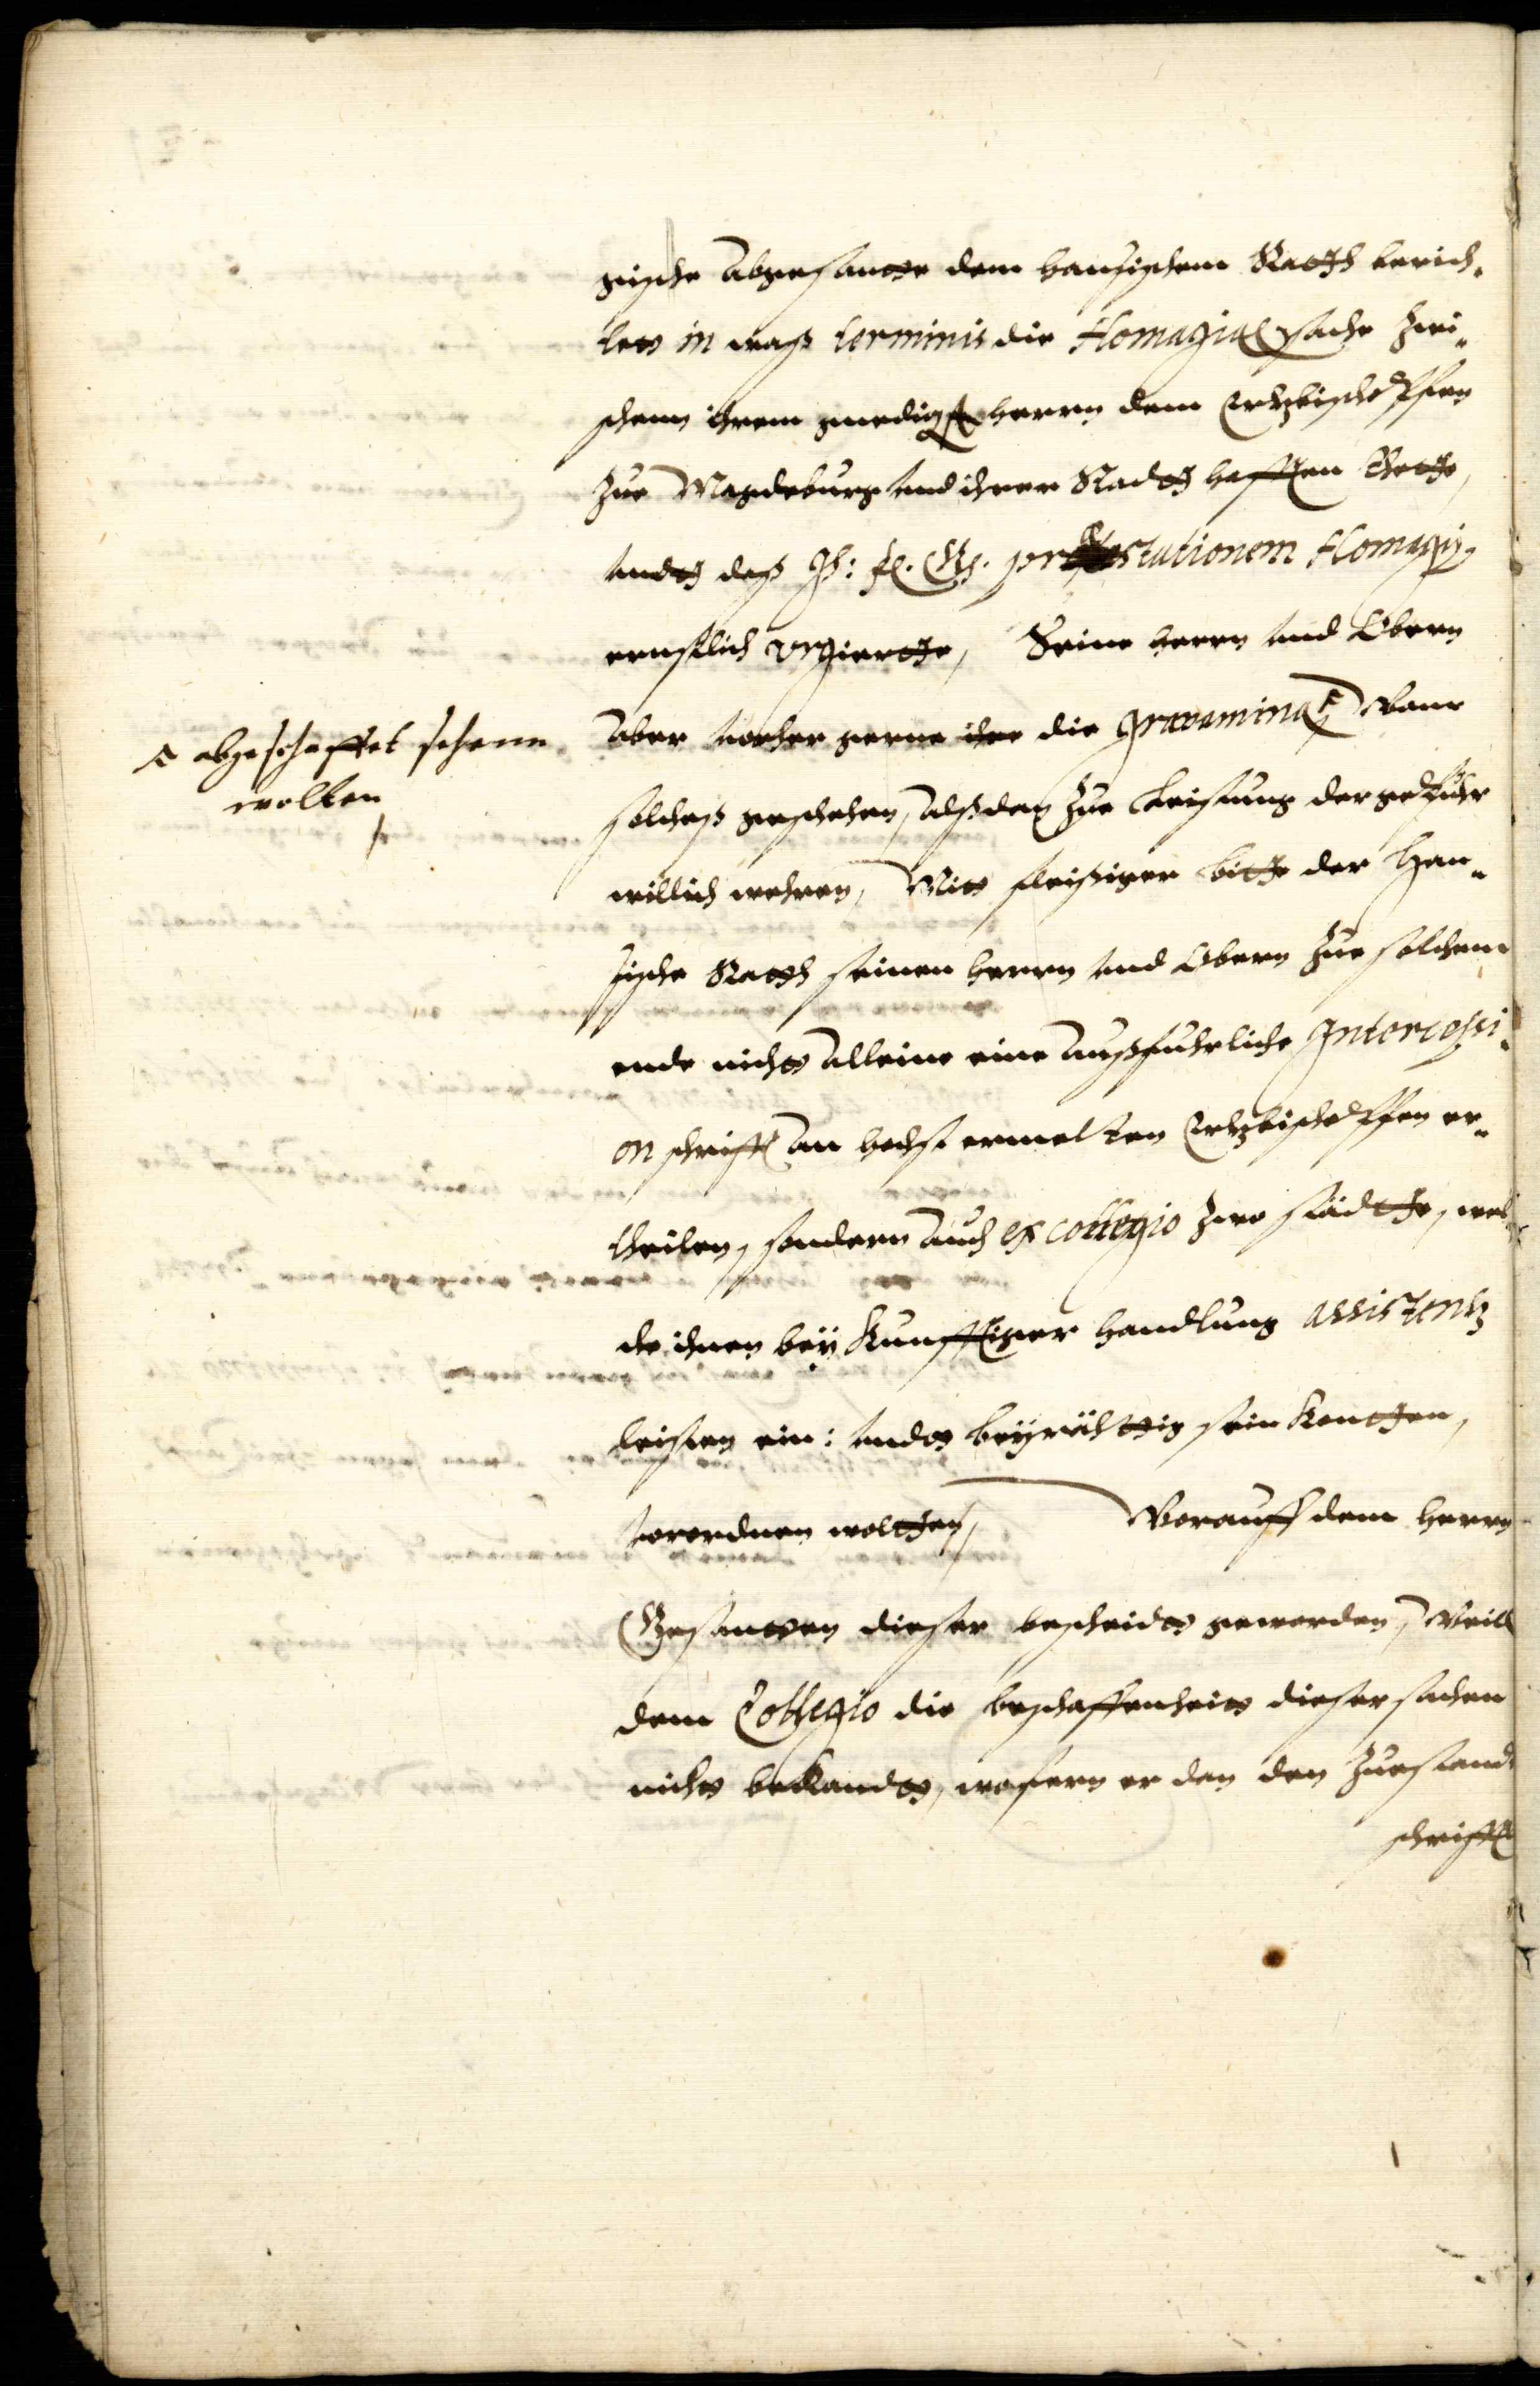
gische Abgesantte dem Hansischen Ratth berich¬
tett in waß terminis die Homagial sache zwi¬
schen ihrem gnedigsten herrn dem Ertzbischopfen
zue Magdeburg vnd ihrer Stadtt hafften Thette,
vndtt daß Ih: F. Gh. praestationem Homagij
ernstlich urgierett, Seine herrn vnd Obern
Aber vorher gerne ihre die gravamina F, Wann
solcheß geschehen, Alßdan zue Leistung der gepuhr
willich wehren, Mitt fleißiger bitte der Han¬
sische Ratth seinen herrn vnd Obern zue solchem
ende nichtt Alleine eine Außfuhrliche Intercessi¬
on schrifft An hochst ermelten Ertzbischopfen er¬
theilen, sondern Auch ex collegio zwo städtte, wel
che ihnen beij kunfftiger handlung assistentz
leisten ein: vndtt beijrähttig sein kontten,
vorordnen woltten, Worauff dem herrn
Gesantten dieser bescheidtt geworden, Weill
dem Collegio die beschaffenheitt dieser sachen
nichtt bekandtt, wofern er dan den zuestand
schrifft
F abgeschaffet sehenn
wolten,
